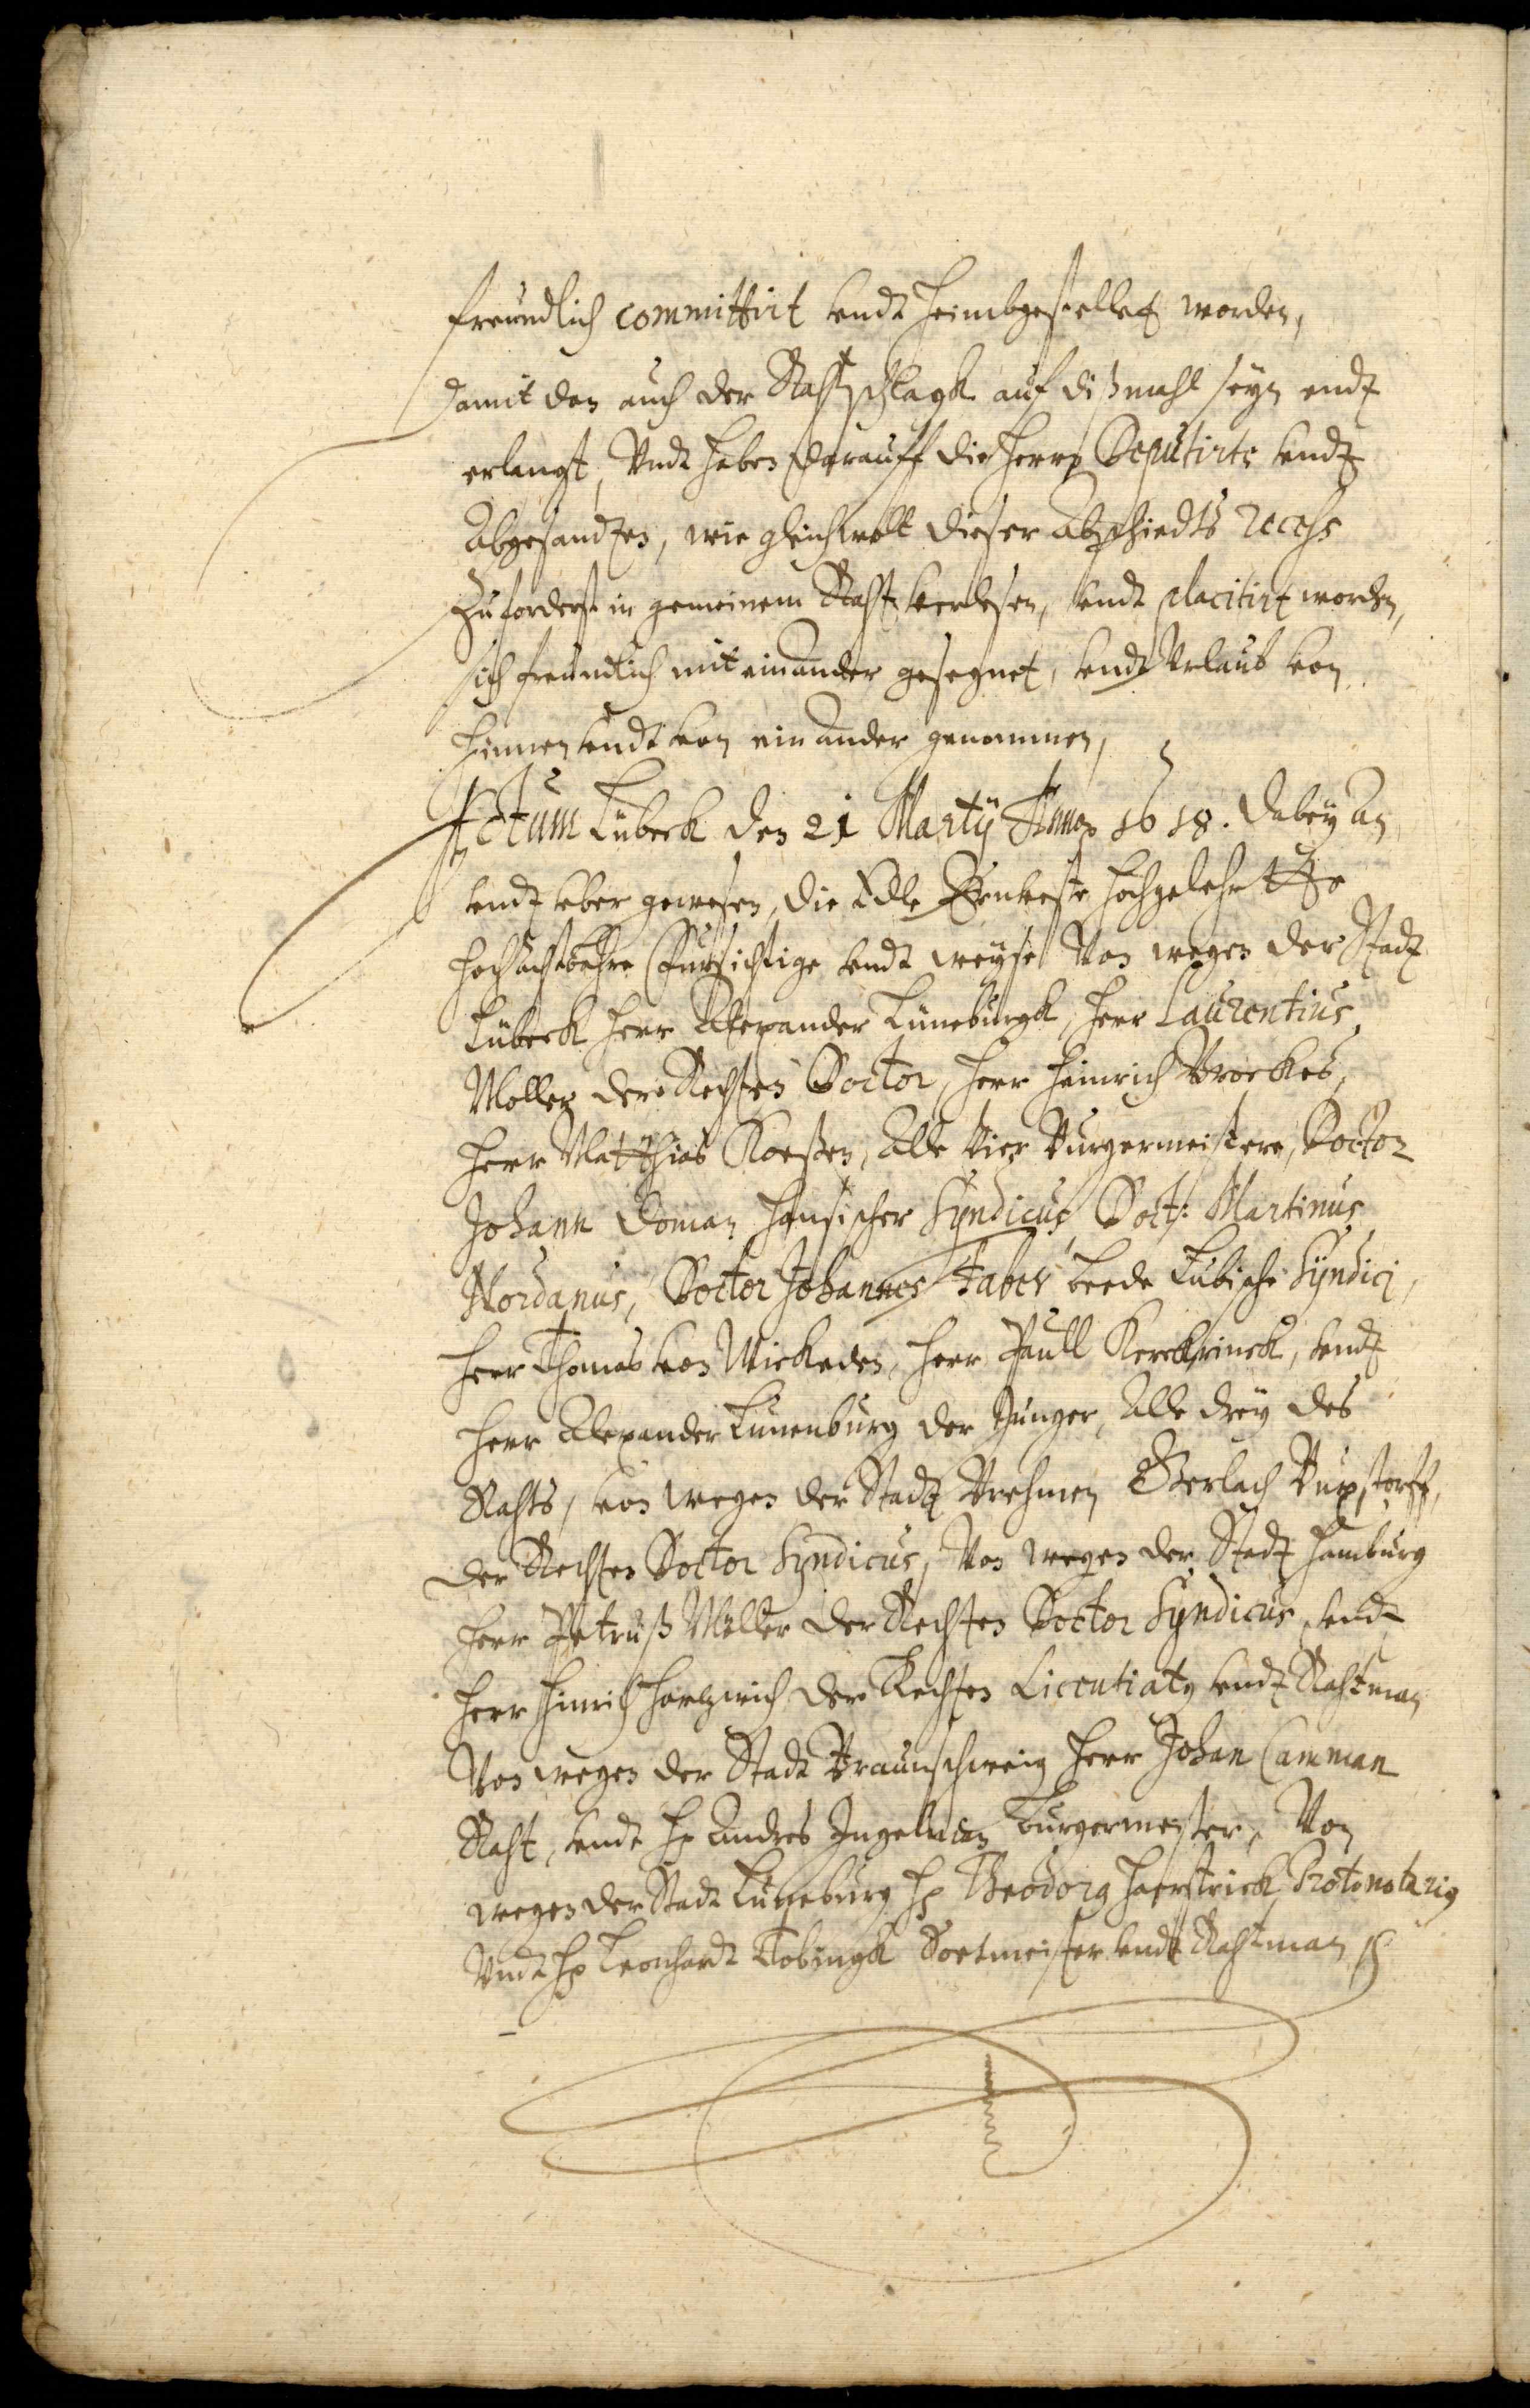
freundlich committirt vndt heimbgestellet worden,
damit dan auch der Rahtschlagk auf dißmahl seijn endt
erlangt, Vndt haben darauff die herrn Deputirte vndt
Abgesandten, wie gleichwoll dieser Abschiedts recess
zu forderst in gemeinem Raht verlesen, vndt placitirt worden,
sich freundlich mit ein Ander gesegnet, vndt Vrlaub von
hinnen vndt von ein Ander genommen,
Actum Lübeck den 21 Martij Anno 1618. Dabeij An
vndt vber gewesen, die Edle Ernveste hochgelehrtte
hochachtbahre Fursichtige vndt weijse Von wegen der Stadt
Lübeck herr Alexander Lüneburgk, herr Laurentius
Moller dero Rechten Doctor, herr heinrich Brockes
herr Matthias Koeßen, Alle Vier Burgermeistere, Doctor
Johann Doman hansischer Syndicus, Doct: Martinus
Nordanus, Doctor Johannes Faber beede Lubische Sijndici,
herr Thomas von Wickeden, herr Paull Kerckrinck, vndt
herr Alexander Lunenburg der Junger, Alle dreij des
Rahts, von wegen der Stadt Brehmen Gerlach Buxstorff,
der Rechten Doctor Syndicus, Von wegen der Stadt Hamburg
herr Petruß Möller der Rechten Doctor Syndicus, vndt
herr Hinrich Hartzwich der Rechten Licentiaty, vndt Rahtman
Von wegen der Stadt Braunschweig herr Johan Camman
Raht, vndt h Andres Ingelman Burgermeister, Von
wegen der Stadt Luneburg h Theodorus Haerstrick Protonotarius
Vnd h Leonhardt Tobingk Soetmeister vndt Rahtman,
